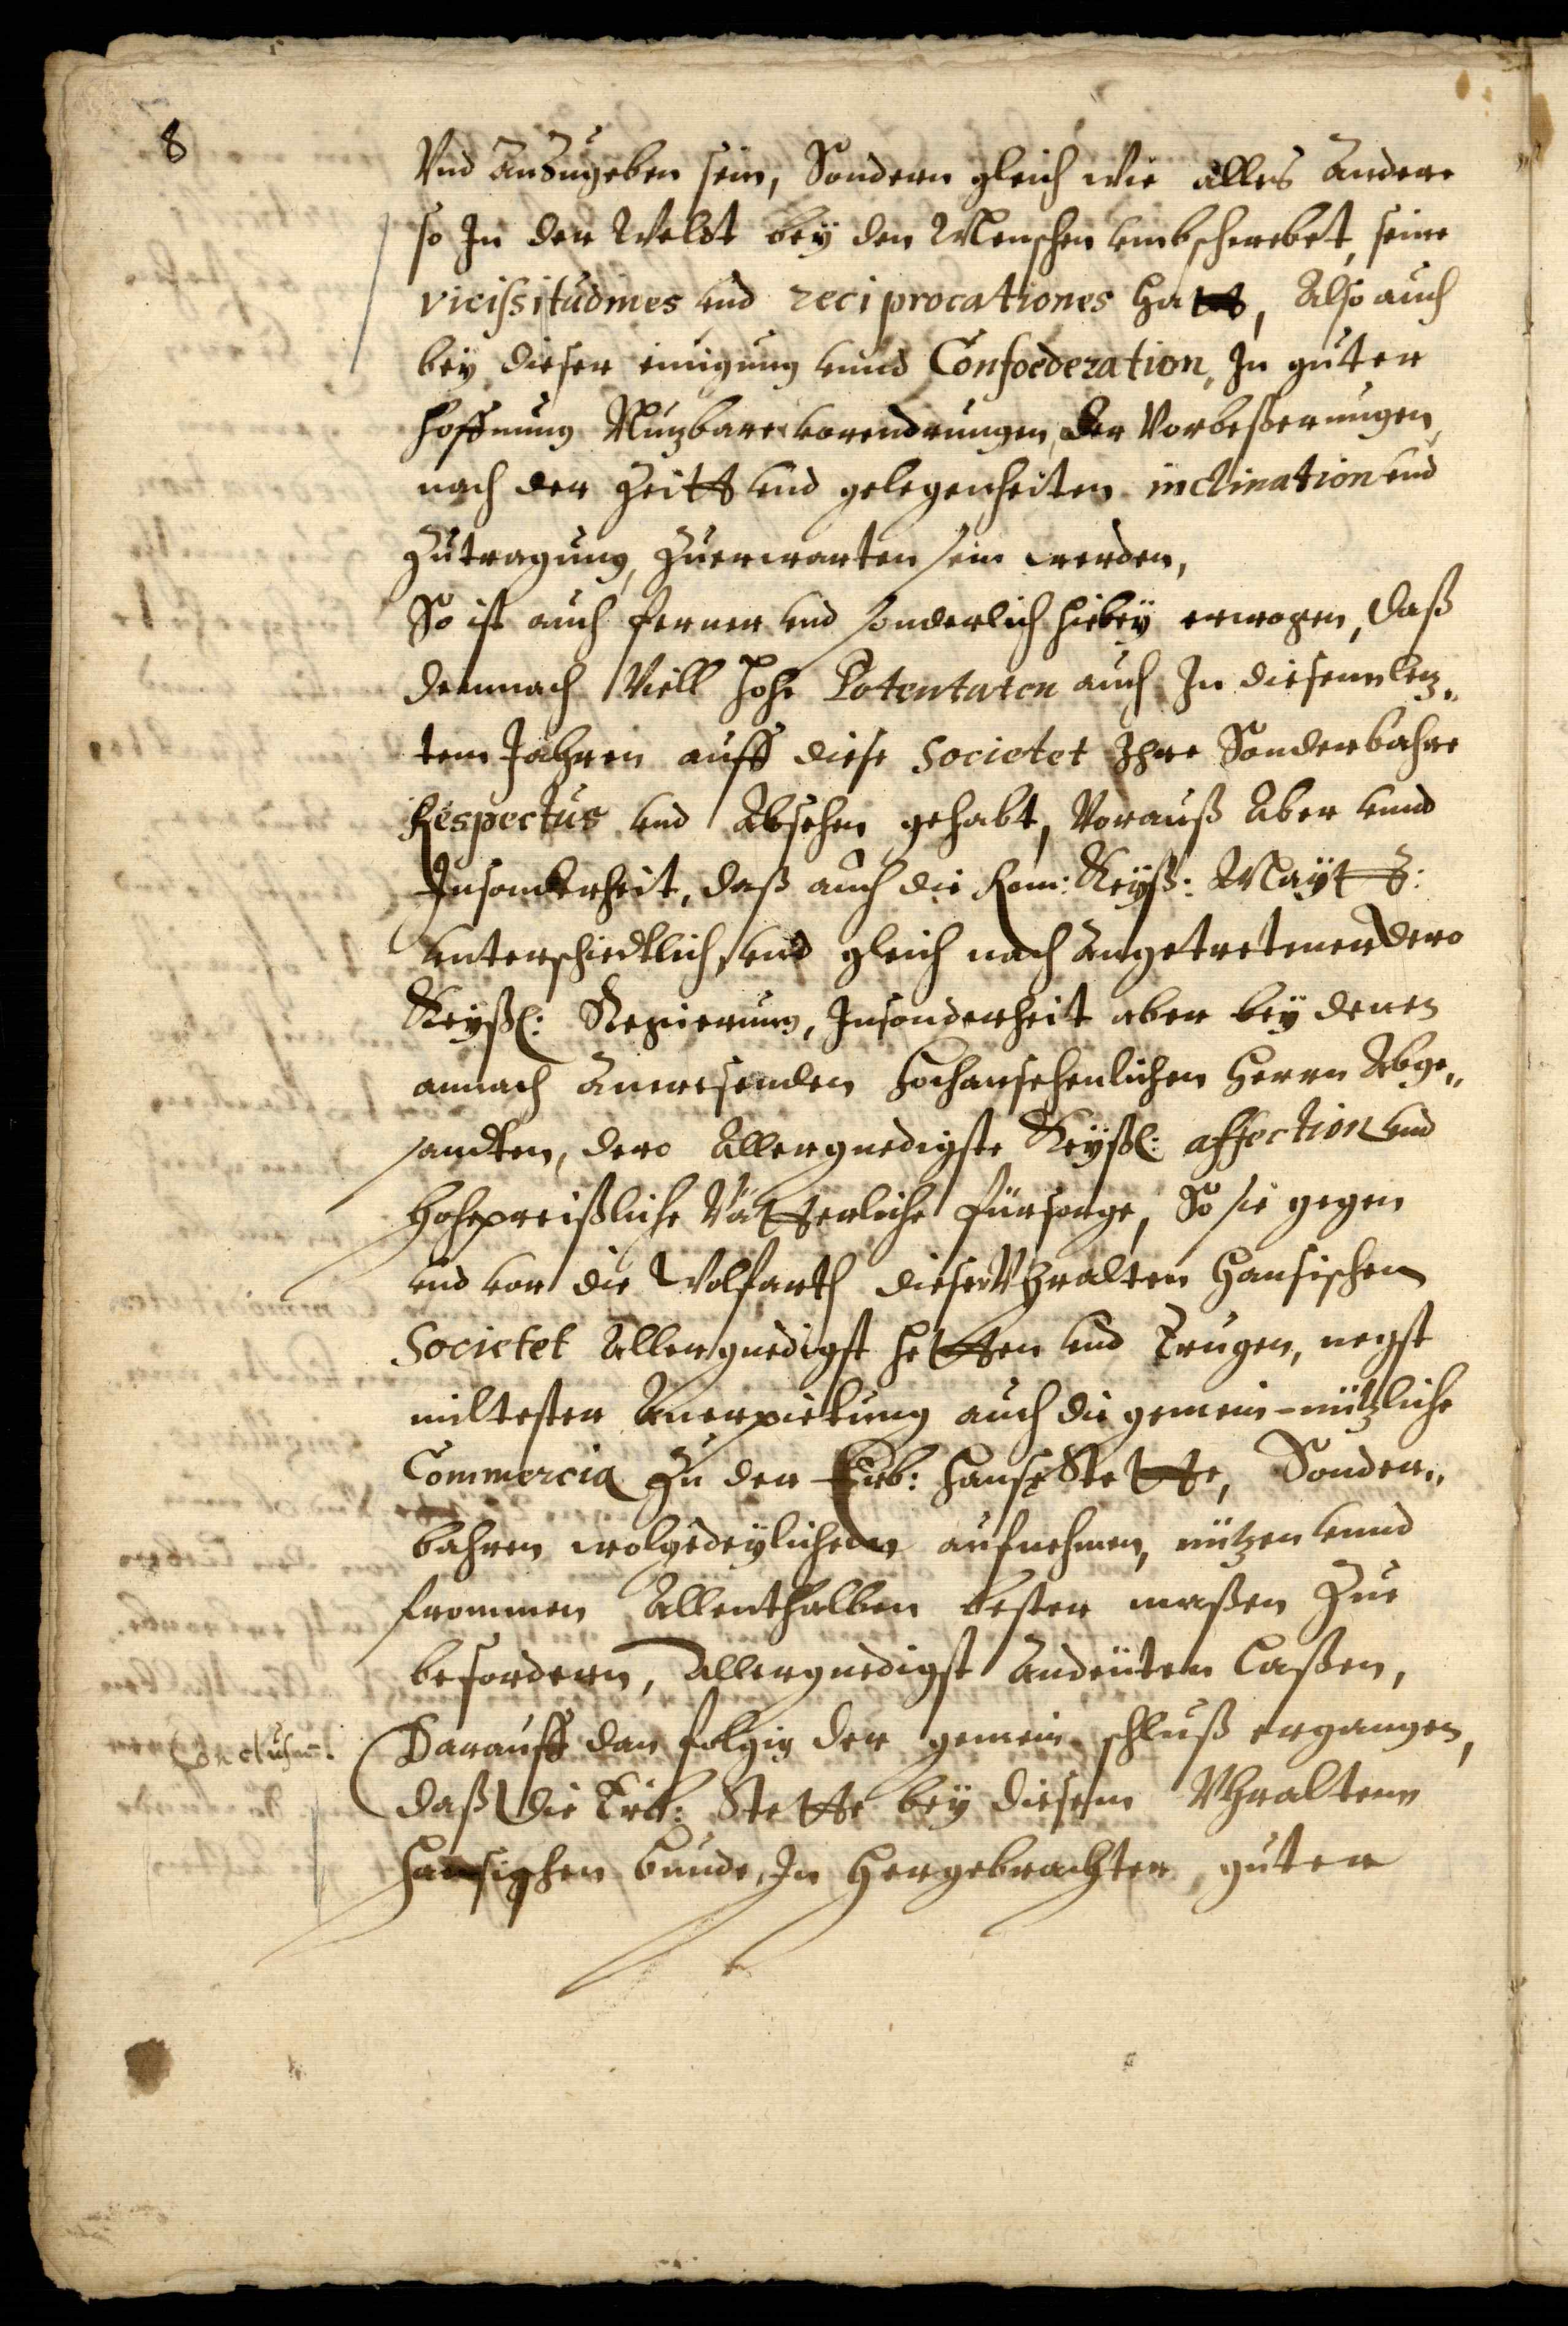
8
Conclusie
Vnd anzugeben sein, Sondern gleich wie alles andere
so in der Weldt beij den Menschen vmbschwebet, seine
vicissitudines vnd reciprocationes hatt, also auch
beij dieser einigung vnnd Confoederation, zu guter
hoffnung Nutzbare vorendrungen, der Vorbeßerungen
nach der Zeitt vnd gelegenheiten inclination vnd
zutragung, zuerwarten sein werden,
So ist auch ferner vnd sonderlich hiebeij erwogen, daß
demnach Viell hohe Potentaten auch zu diesem letz¬
tem Jahren auff diese societet ihre Sonderbahre
Respectus vnd absehen gehabt, vorauß aber vnnd
Insonderheit, daß auch die Rom: Keyß: Maijtt:
unterschiedtlich, vnd gleich nach angetretenen dero
Keyßl: Regierung, insonderheit aber beij denen
annach anwesenden hochansehenlichen herrn abge¬
sandten, dero allergnedigste Keyßl: affection vnd
hohepreißliche Vätterliche fürsorge, So sie gegen
vnd vor die Wolfarth dieser Vhralten hansischen
Societet allergnedigst hetten vnd zeugen, negst
miltester anerpietung auch die gemein-nützliche
Commercia zu der Erb: hanse Stette, sonder¬
bahren wolgedeijlichem aufnehmen, nützen vnnd
frommen allenthalben bester maßen zue
befordern, allergnedigst andeüten laßen,
Darauff dan folgig der gemein schluß ergangen,
daß Die Erb: Stette beij diesem Vhraltenn
Hansischen bunde, in hergebrachter guter
